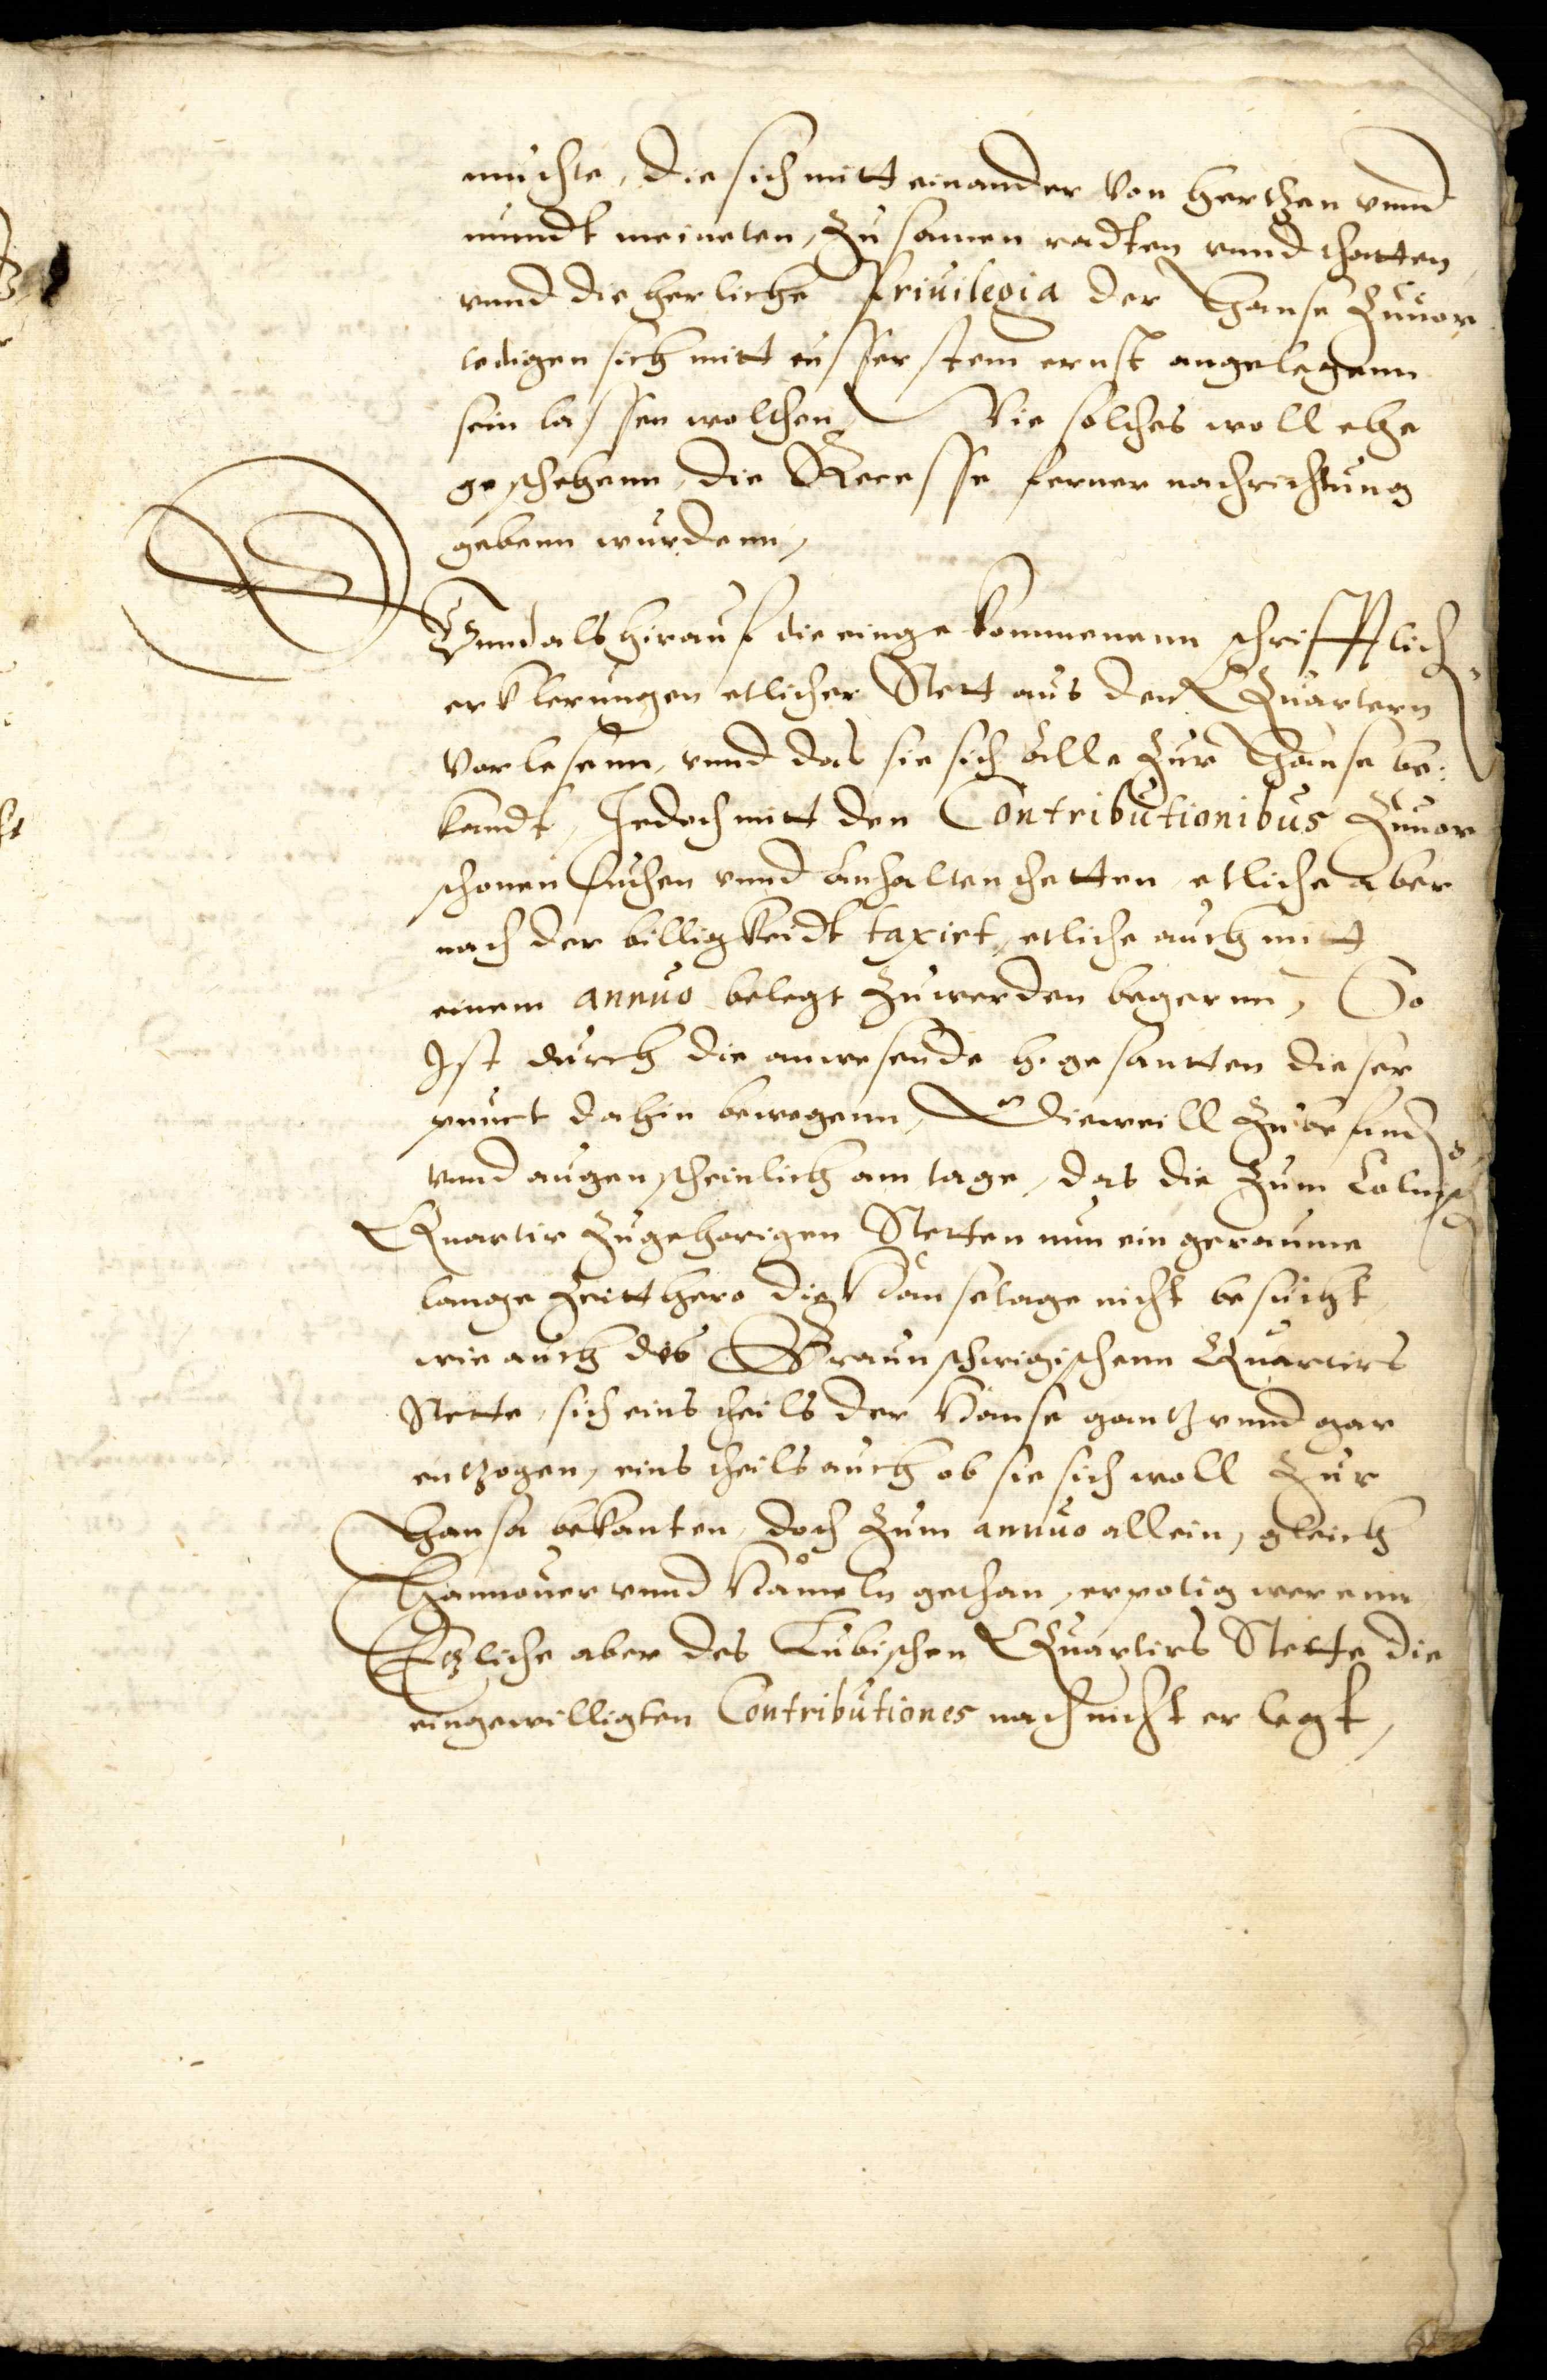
muchte, die sich mitt einander von hertzen vnnd
mundt meineten, zusamen radten vnnd thatten
vnnd die herliche Priuilegia der Hanse zuuor
tedigen sich mitt eusserstem ernst angelegenn
sein lassen wolthen, Wie solches woll ehe
geschehenn, die Recesse ferner nachrichtung
gebenn wurdenn,
Vnnd als hirauf die eingekommenenn schrifftlichen
erklerungen etlicher Stett aus den Quartern
vorlesenn, vnnd das sie sich alle zur Hanse be¬
kandt, Jedoch mitt den Contributionibus zuuor
schonen suchen vnnd anhalten thetten, etliche aber
nach der billigkeidt taxirt, etliche auch mitt
einem annuo belegt zuwerden begernn, So
Jst durch die anwesende h. gesantten dieser
punct dahin bewogenn, dieweill zu befinden
vnnd augenscheinlich am tage, das die zum Colnischen
Quartir zugehorigen Stetten nun ein geraume
lange Zeitt hero die Hansetage nicht besucht,
wie auch des Braunschwigischenn Quartirs
Stette, sich eins theils der Hanse gantz vnnd gar
entzogen, eins theils auch ob sie sich woll zur
Hansa bekanten, doch zum annuo allein, gleich
Hannouer vnnd Hameln gethan, erpotig werenn,
Etzliche aber des Lubischen Quartirs Stette die
eingewillgten Contributiones nach nicht erlegt,
